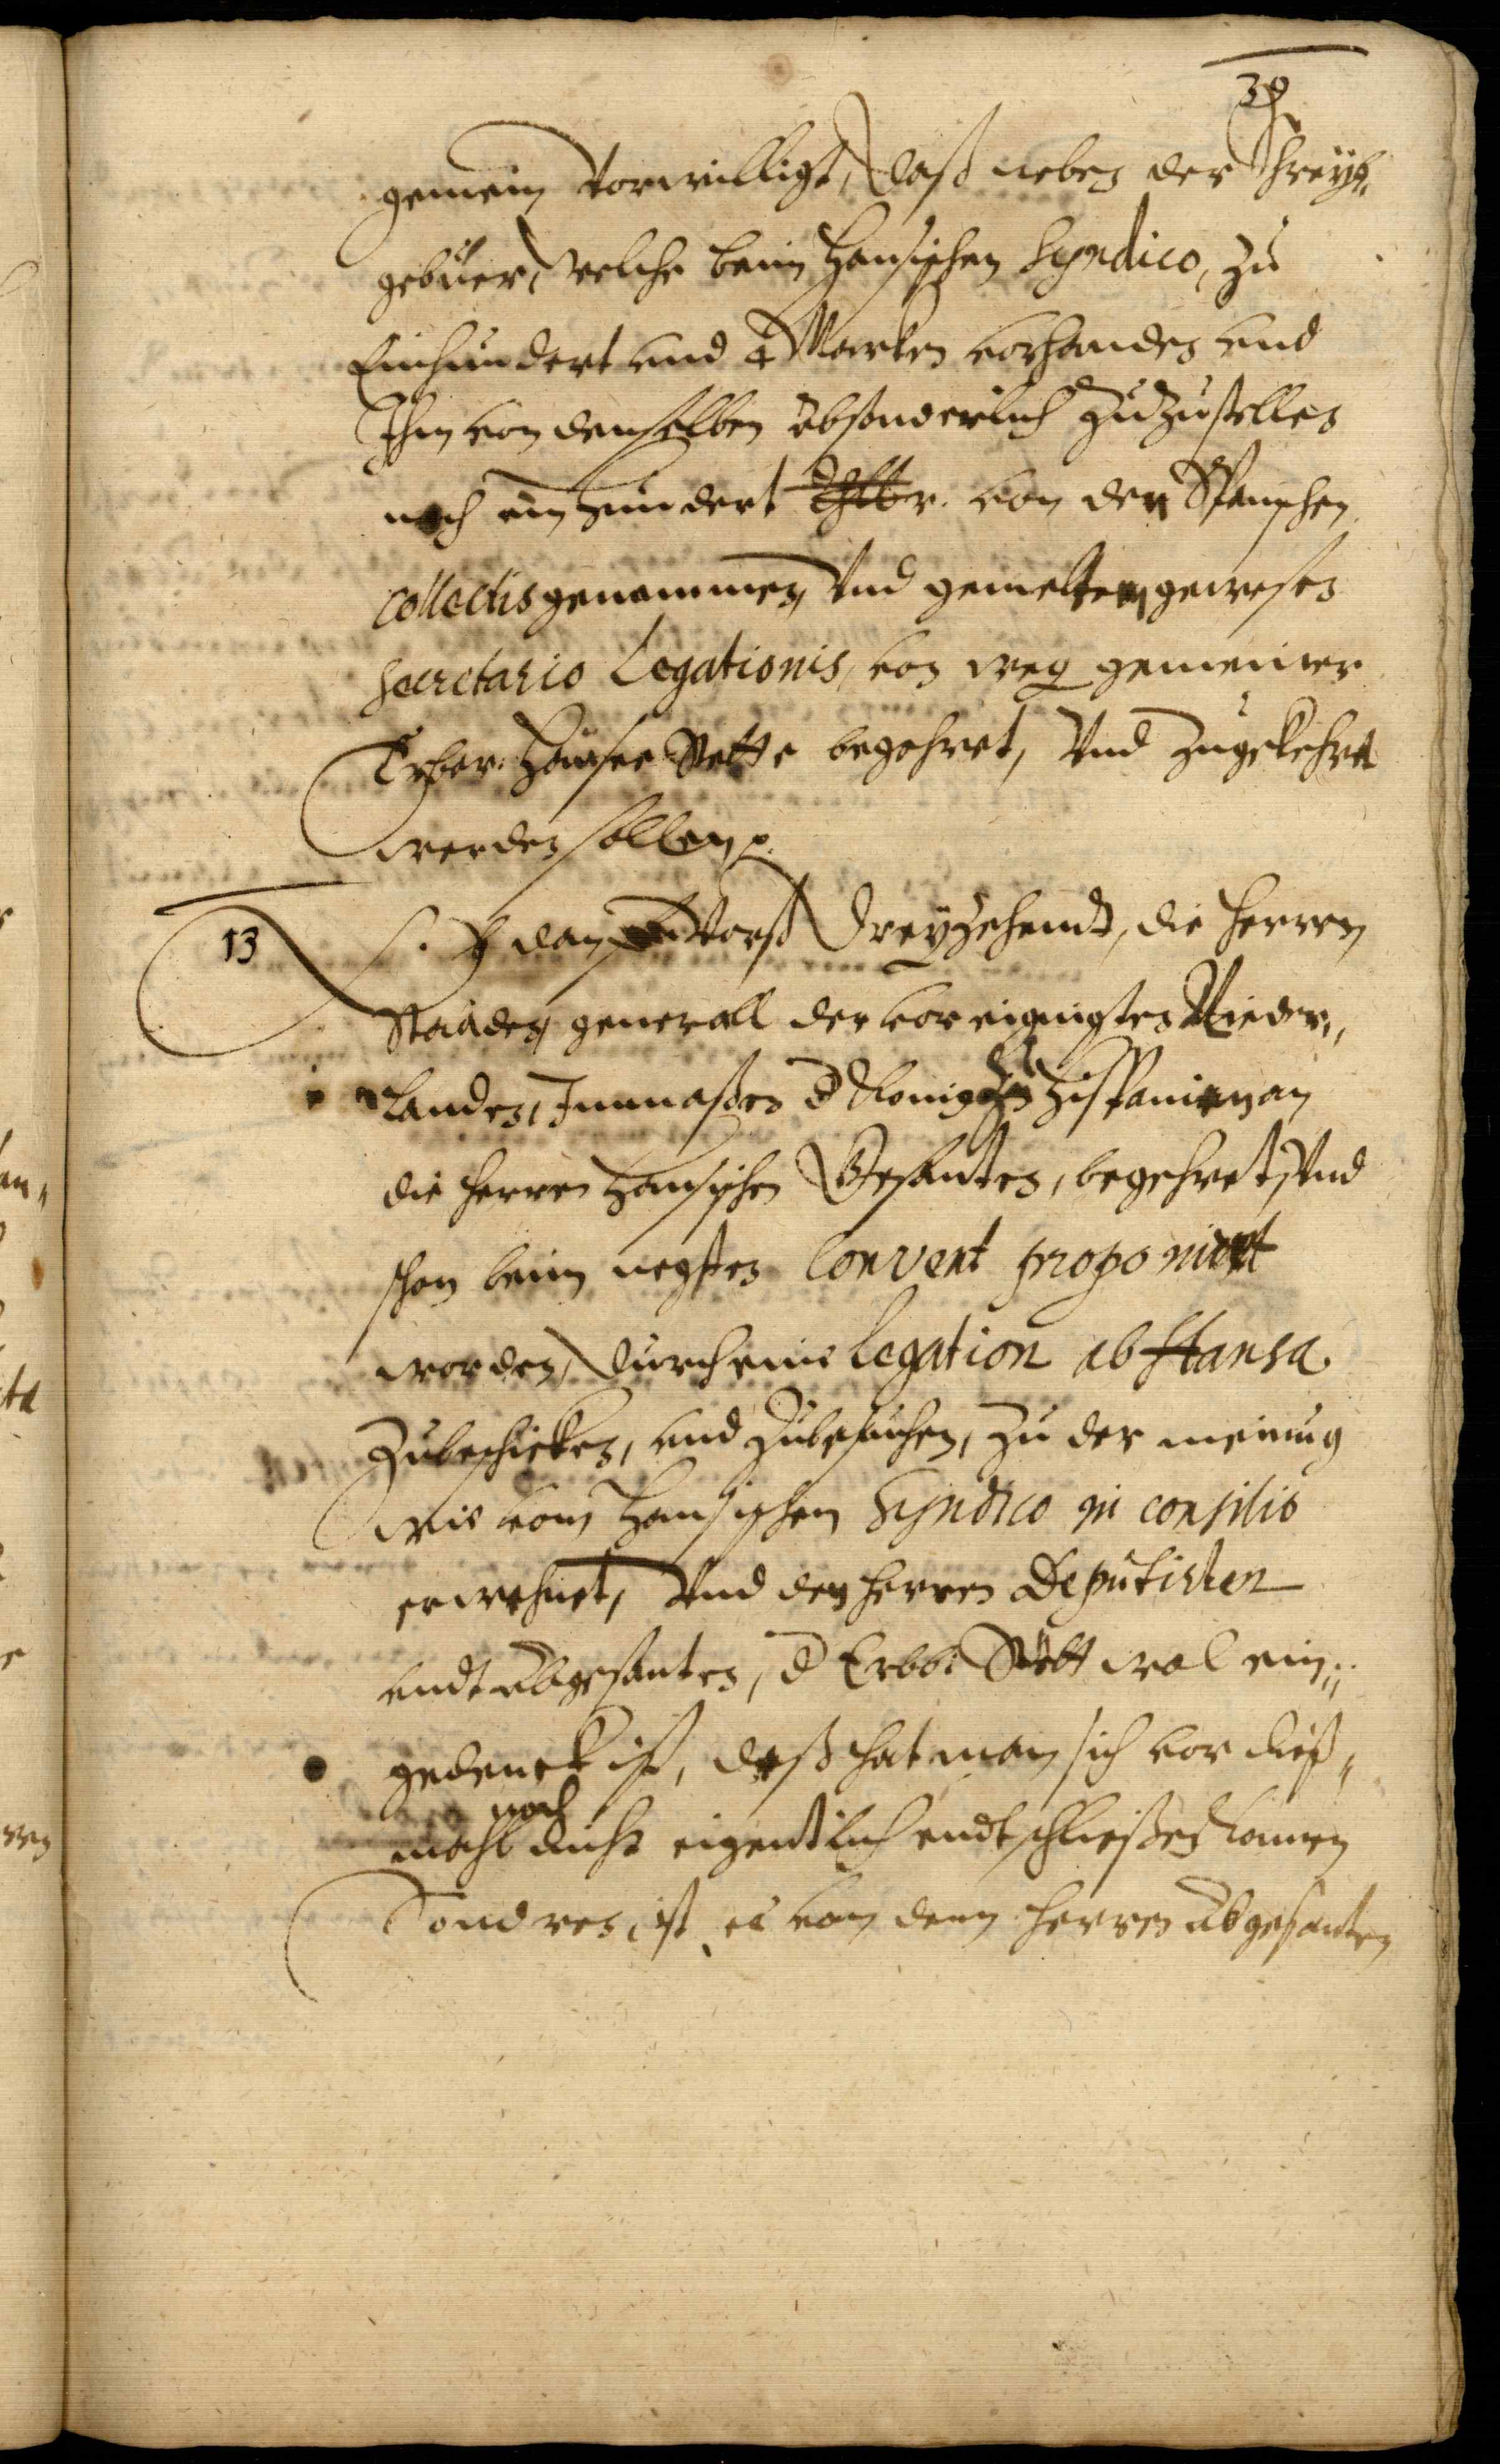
39
gemein vorwilligt, Daß neben der Schreijb¬
gebuer, welche beim Hansischen Syndico, zu
Einhundert vnd 4 Marken vorhanden vnd
Ihm von denselben Absonderlich zuzustellen
noch ein Hundert Thllr von den Spanischen
collectis genommen, vnd gemelten gewesen
Secretario Legationis, von wegen gemeiner
Erbar: Hänsee Stette begehret, Vnd zugekehret
werden sollen p.
13
Ob dan f vorß Dreijzehendt, die herren
Staaden, generall der voreignigten Nieder¬
landen, Immaßen der Konig zu Hispanien an
die herren Hansischen Gesanten, begehret, vnd
schon beim negsten Convent proponiret
worden, durch eine Legation ab Hansa
zubeschicken, vnd zubesuchen, zu der meinung
wie vom Hansischen Syndico in consilio
erwehnet, Vnd den herren Deputirten
vndt Abgesanten, der Erbb: Stätt wol ein¬
gedenck ist, daß hat man sich vor diß¬
mahl noch nicht eigentlich endtschließen konnen
Sondren, ist es von denn herren Abgesanten
